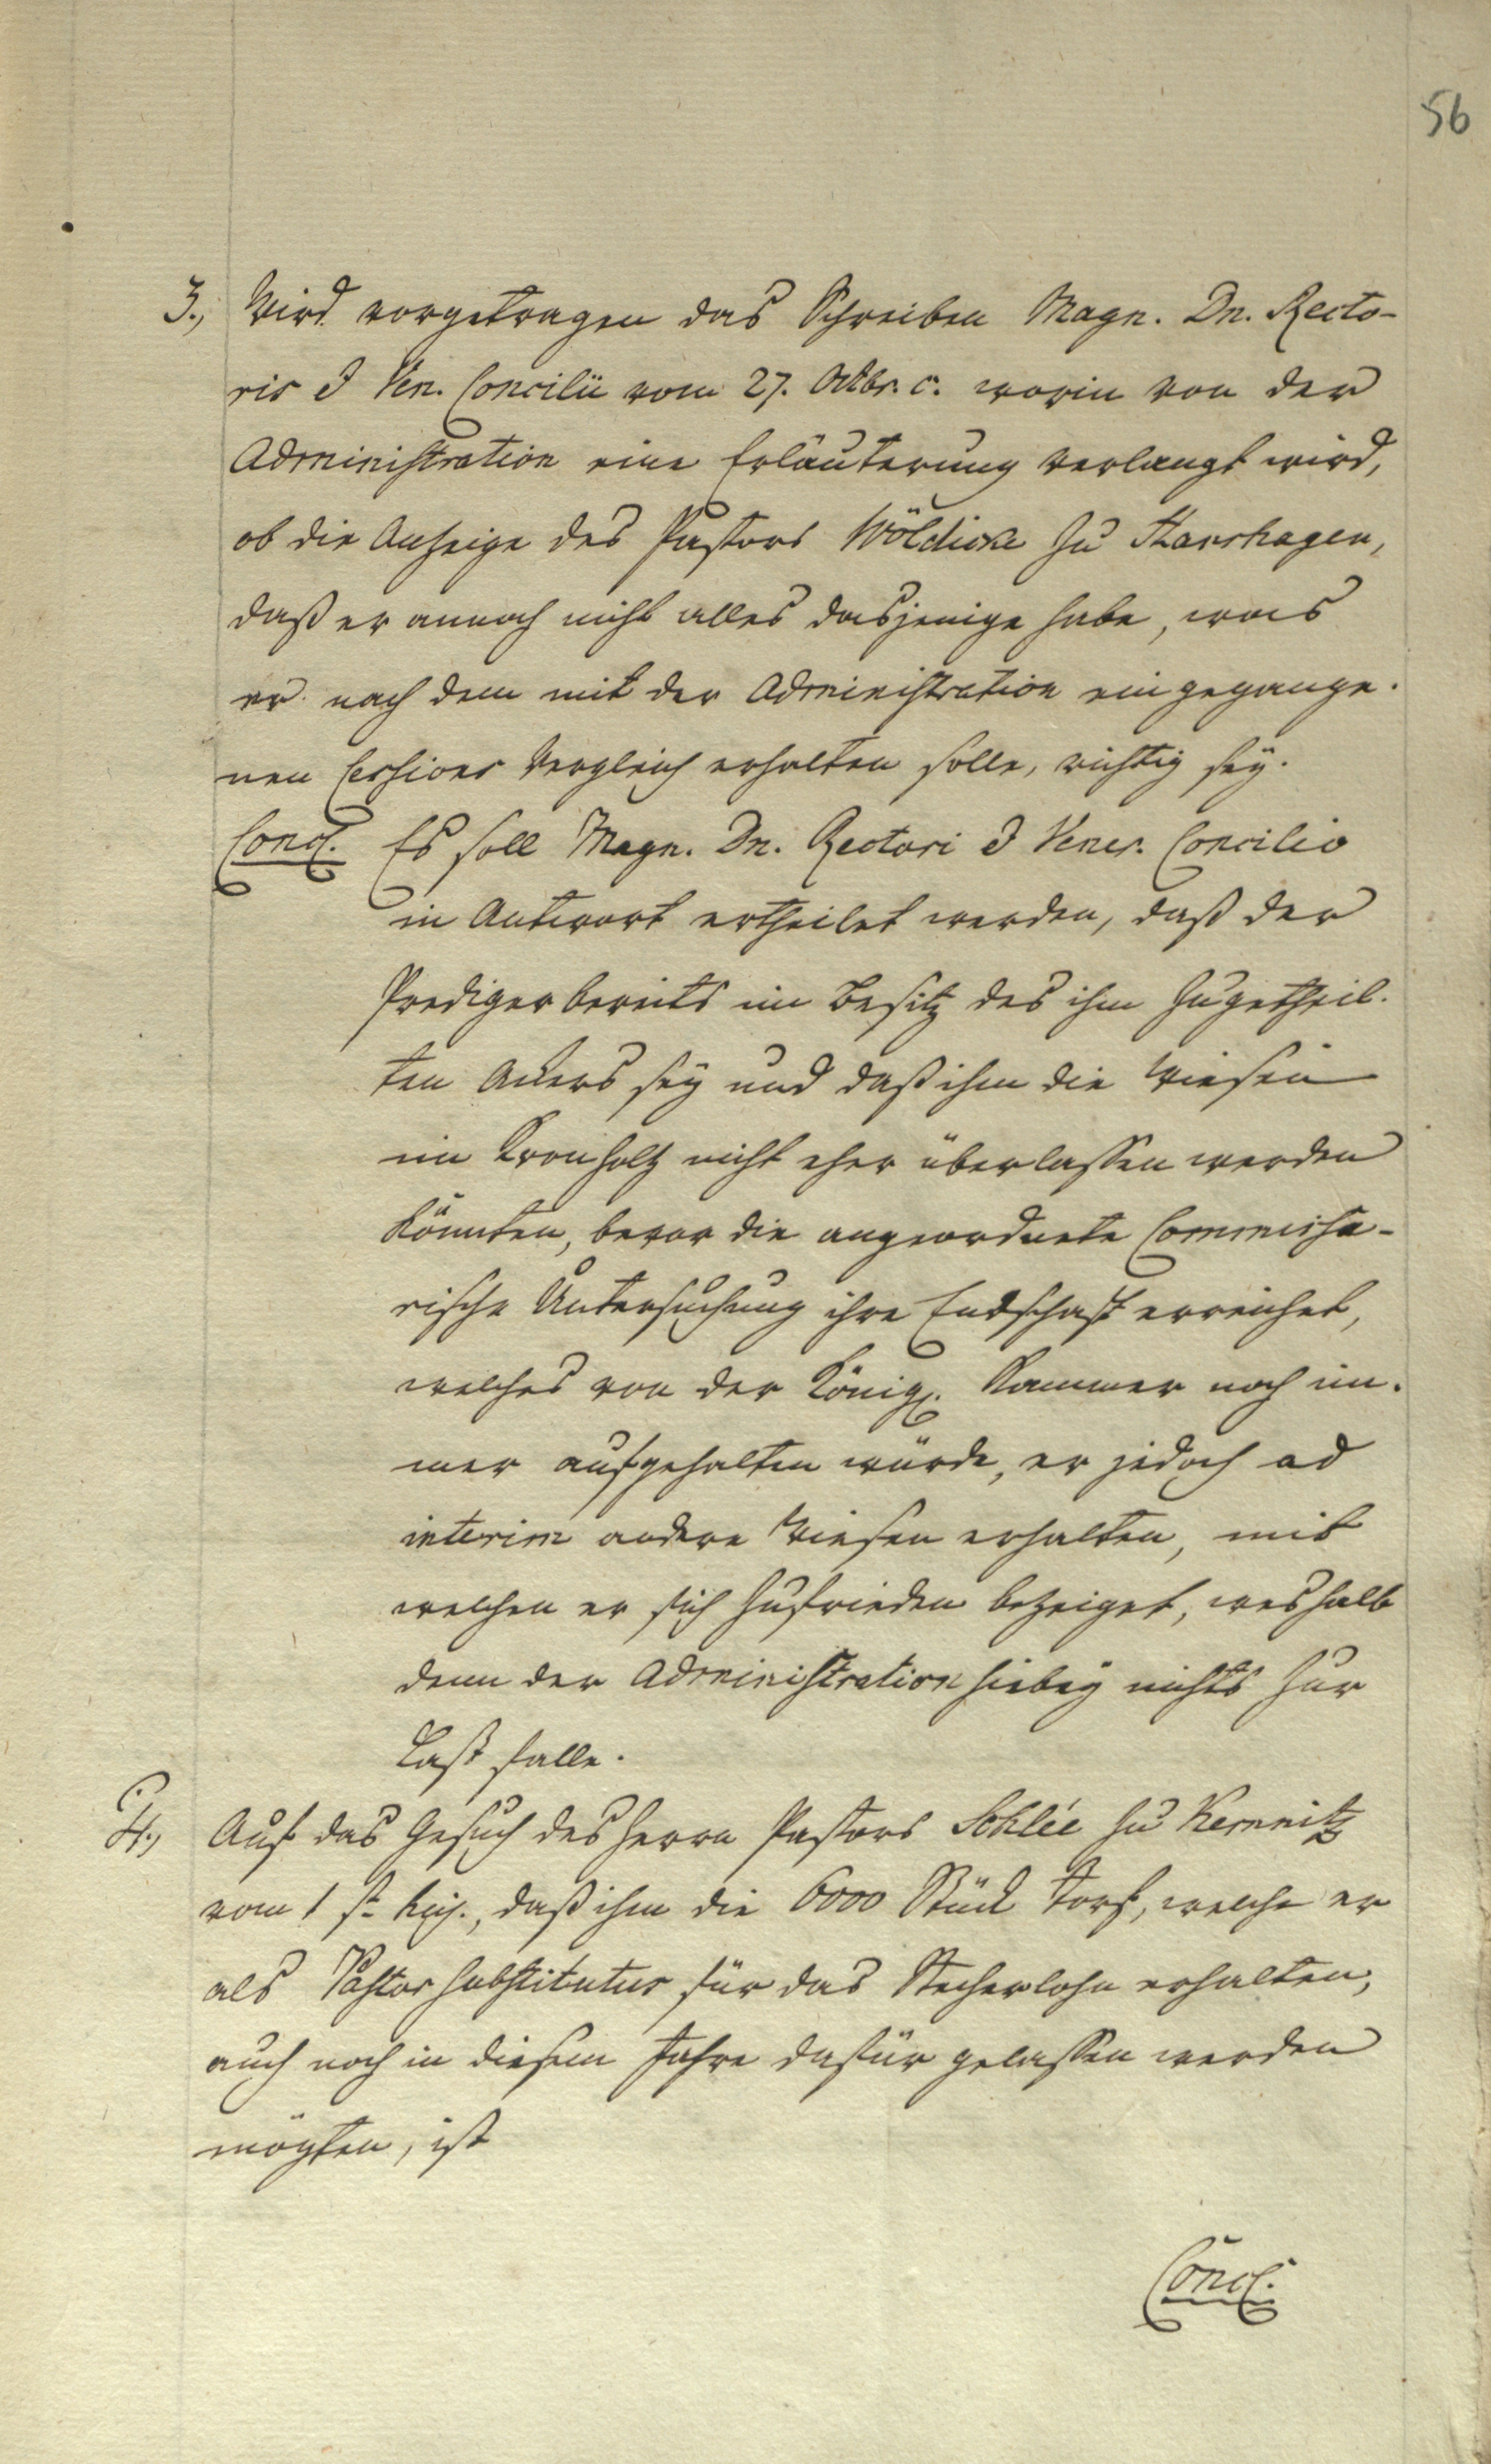3., Wird vorgetragen das Schreiben Magn. Dn. Recto¬
ris et Ven. Concilii vom 27. Octbr. c. worin von der
Administration eine Erläuterung verlangt wird,
ob die Anzeige des Pastors Wöldicke zu Hanshagen,
daß er annoch nicht alles dasjenige habe, was
er nach dem mit der Administration eingegange¬
nen Cessions Vergleich erhalten solle, richtig seÿ.
Concl. Es soll Magn. Dn. Rector et Vener. Concilio
im Antwort ertheilet werden, daß der
Prediger bereits im Besitz des ihm zugetheil¬
ten Ackers seÿ und daß ihm die Wiesen
im Kronholz nicht eher überlassen werden
könnten, bevor die angeordnete Commissa¬
rische Untersuchung ihre Endschaft erreichet,
welches von der Königl. Kammer noch im¬
mer aufgehalten würde, er jedoch ad
interim andere Wiesen erhalten, mit
welchen er sich zufrieden bezeiget, weshalb
denn der Administration hiebeÿ nichts zur
Last falle.
4., Auf des Gesuch des Herrn Pastors Schlée zu Kemnitz
vom 1 st. huj. daß ihm die 6000 Stück Torf, welche er
als Pastor substitutus für das Stecherlohn erhalten,
auch noch in diesem Jahre dafür gelassen werden
mögten, ist
Concl.